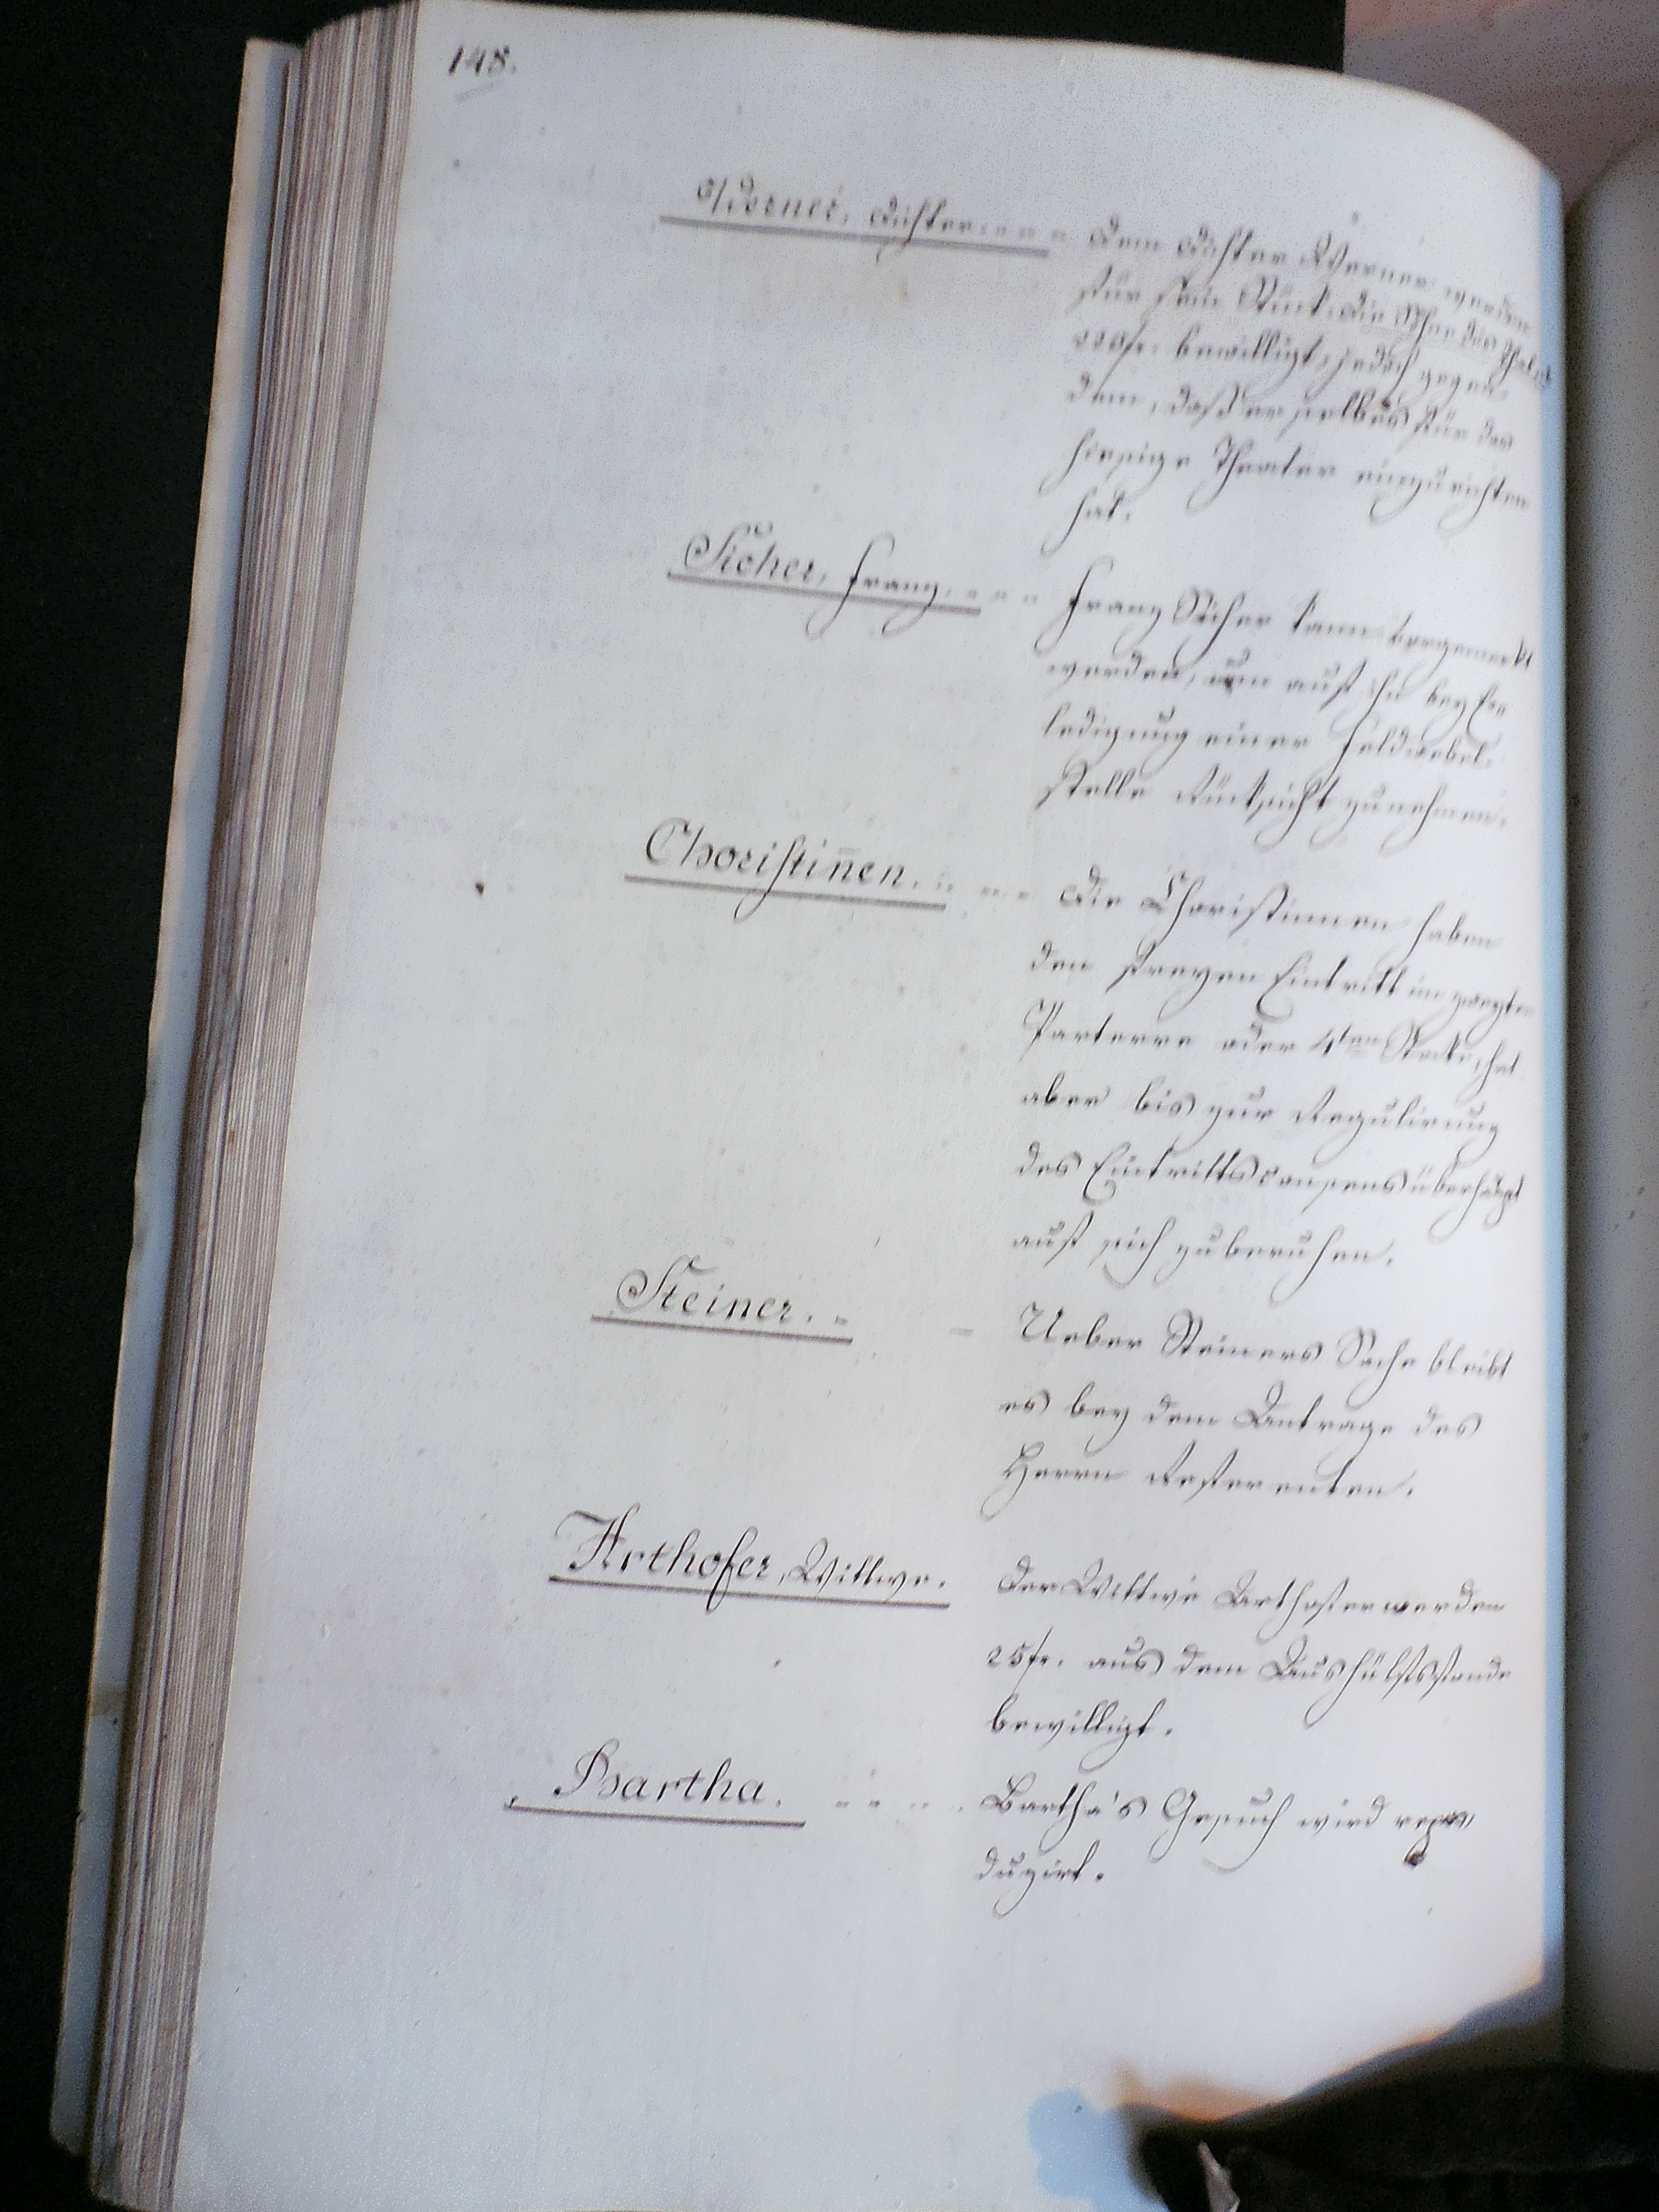148.
Werner, Dichter. .. .. .. Dem Dichter Werner werden
für sein Stück: Die Söhne des Thales
300fr. bewilligt, jedoch gegen¬
dem, daß er selbes für das
hiesige Theater einzurichten
hat.
Sicher, Franz. .. .. .. Franz Sicher kann vorgemerkt
werden, um auf ihn bey Er¬
ledigung einer Feldwebel¬
stelle Rücksicht zunehmen.
Choristin̅en. .. .. .. Die Chorstinnen haben
den freyen Eintritt im zweyt.
Parterre oder 4te͇n Stock, hat
aber bis zur Regulirung
des Entrittsconsens überhaupt
auf sich zuberufen.
Steiner. .. - Ueber Steiners Sache bleibt
es bey dem Antrage des
Herrn Referenten.
Arthofer, Wittwe. Der Witwe Arthofer werden
25fr. aus dem Aushülflsfonde
bewilligt.
Bartha. .. .. .. Bartha's Gesuch wird repro
duzirt.